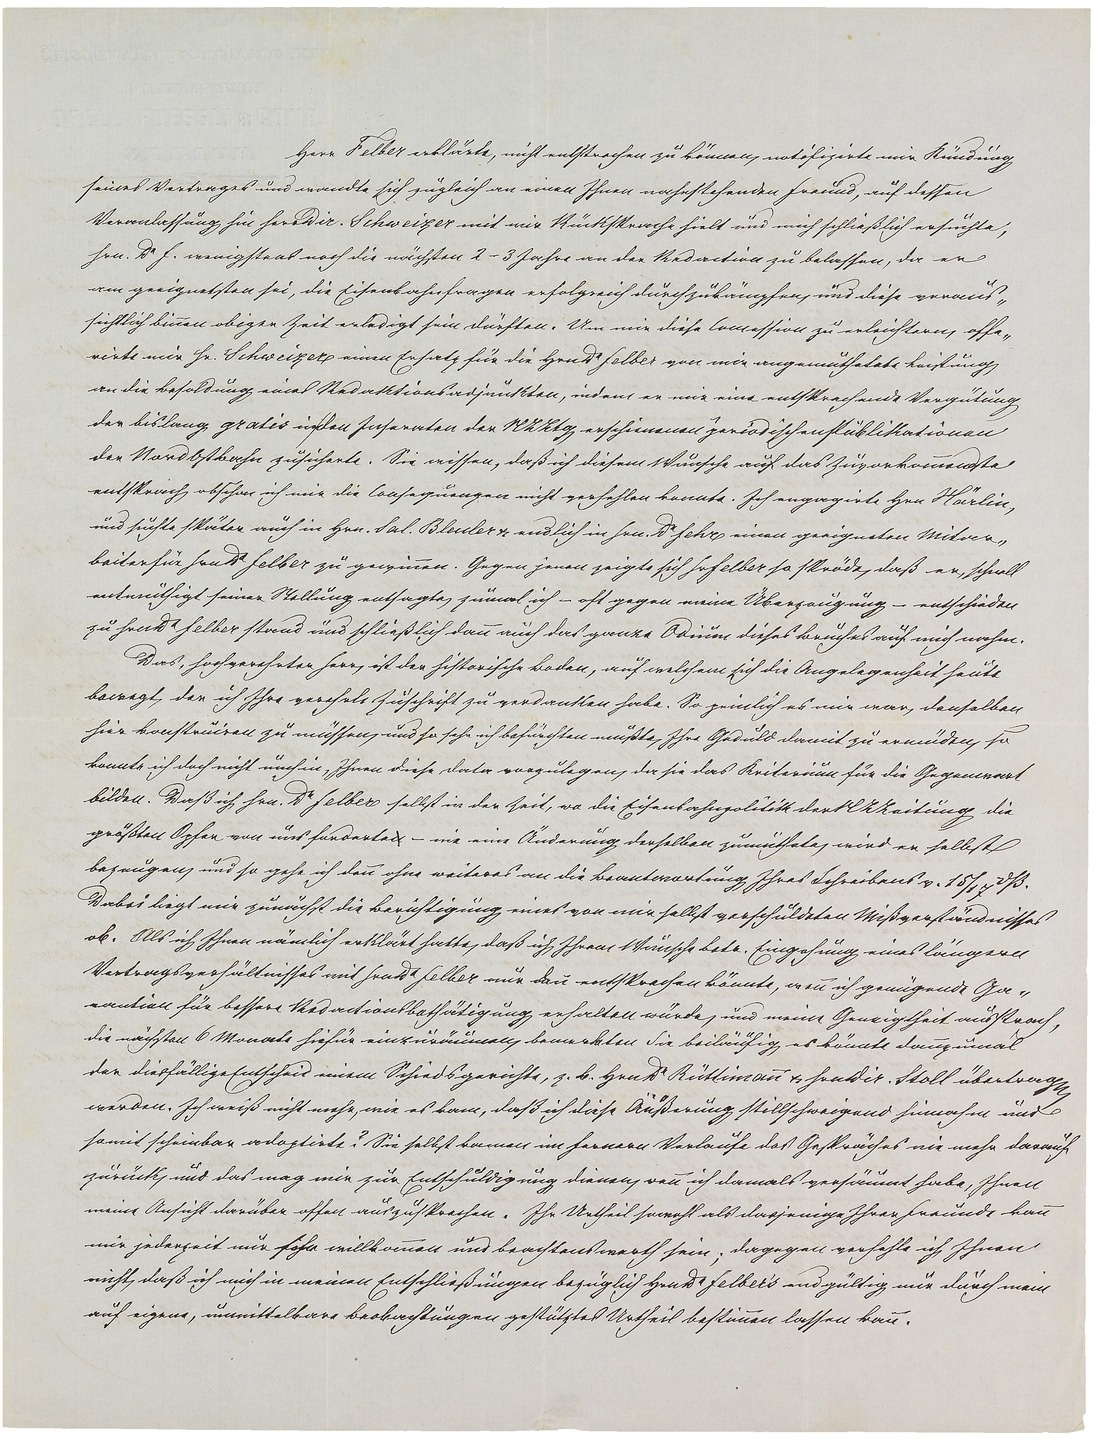Herr Felber erklärte, nicht entsprechen zu können, notifizirte eine Kündung
seines Vertrages und wandte sich zugleich an einen Ihnen nahestehenden Freund, auf dessen
Veranlassung hin Herr Dir. Schweizer mit mir Rücksprache hielt und mich schließlich ersuchte,
Hrn. DrF. wenigstens noch die nächsten 2–3 Jahre an der Redaction zu belassen, da er
am geeignetsten sei, die Eisenbahnfragen erfolgreich durchzukämpfen, und diese voraus-
sichtlich binnen obiger Zeit erledigt sein dürften. Um mir diese Concession zu erleichtern, offe-
rirte mir Hr. Schweizer einen Ersatz für die Hrn DrFelber von mir angemuthetete Leistung
an die Besoldung eines Redaktionsadjunkten, indem er mir eine entsprechende Vergütung
der bislang gratis in den Inseraten der NZZtg erschienenen periodischen Publikationen
der Nordostbahn zusicherte. Sie wissen, daß ich diesem Wunsche auf das Zuvorkommenste
entsprach, obschon ich mir die Consequenzen nicht verhehlen konnte. Ich engagirte Hrn Härlin,
und suchte später auch in Hrn. Sal. Bleuler & endlich in Hrn. DrFehr einen geeigneten Mitar-
beiter für Hrn DrFelber zu gewinnen. Gegen jenen zeigte sich Hr Felber so spröde, daß er, schnell
entmuthigt seiner Stellung entsagte, zumal ich – oft gegen meine Überzeugung – entschieden
zu Hrn DrFelber stand und schließlich dann auch das ganze Odium dieses Bruches auf mich nahm.
Das, hochverehrter Herr, ist der historische Boden, auf welchem sich die Angelegenheit heute
bewegt, der ich Ihre verehrte Zuschrift zu verdanken habe. So peinlich es mir war, denselben
hier konstruiren zu müssen, und so sehr ich befürchten mußte, Ihre Geduld damit zu ermüden, so
konnte ich doch nicht umhin, Ihnen diese data vorzulegen, da sie das Kriterium für die Gegenwart
bilden. Daß ich Hrn. DrFelber selbst in der Zeit, wo die Eisenbahnpolitik der NZZeitung die
größten Opfer von uns forderten – nie eine Änderung derselben zumuthete, wird er selbst
bezeugen, und so gehe ich denn ohne weiteres an die Beantwortung Ihres Schreibens v. 15/ 17 dß.
Dabei liegt mir zunächst die Berichtigung eines von mir selbst verschuldeten Mißverständnisses
ob. Als ich Ihnen nämlich erklärt hatte, daß ich Ihrem Wunsche betr. Eingehung eines längern
Vertragsverhältnisses mit Hrn DrFelber nur dann entsprechen könnte, wenn ich genügende Ga-
rantien für bessere Redactionsbethätigung erhalten würde, und meine Geneigtheit aussprach,
die nächsten 6 Monate hiefür einzuräumen, bemerkten Sie beiläufig, es könnte dannzumal
der diesfällige Entscheid einem Schiedsgerichte, z. B. Hrn DrRüttimann & Hrn Dir. Stoll übertragen
werden. Ich weiß nicht mehr, wie es kam, daß ich diese Äußerung stillschweigend hinnahm und
somit scheinbar adoptirte? Sie selbst kamen im fernern Verlaufe des Gespräches nie mehr darauf
zurück, und das mag mir zur Entschuldigung dienen, wenn ich damals versäumt habe, Ihnen
meine Ansicht darüber offen auszusprechen. Ihr Urtheil sowohl als dasjenige Ihrer Freunde kann
mir jederzeit nur sehr willkommen und beachtenswerth sein; dagegen verhehle ich Ihnen
nicht, daß ich mich in meinen Entschließungen bezüglich Hrn DrFelber's endgültig nur durch mein
auf eigene, unmittelbare Beobachtungen gestütztes Urtheil bestimmen lassen kann.